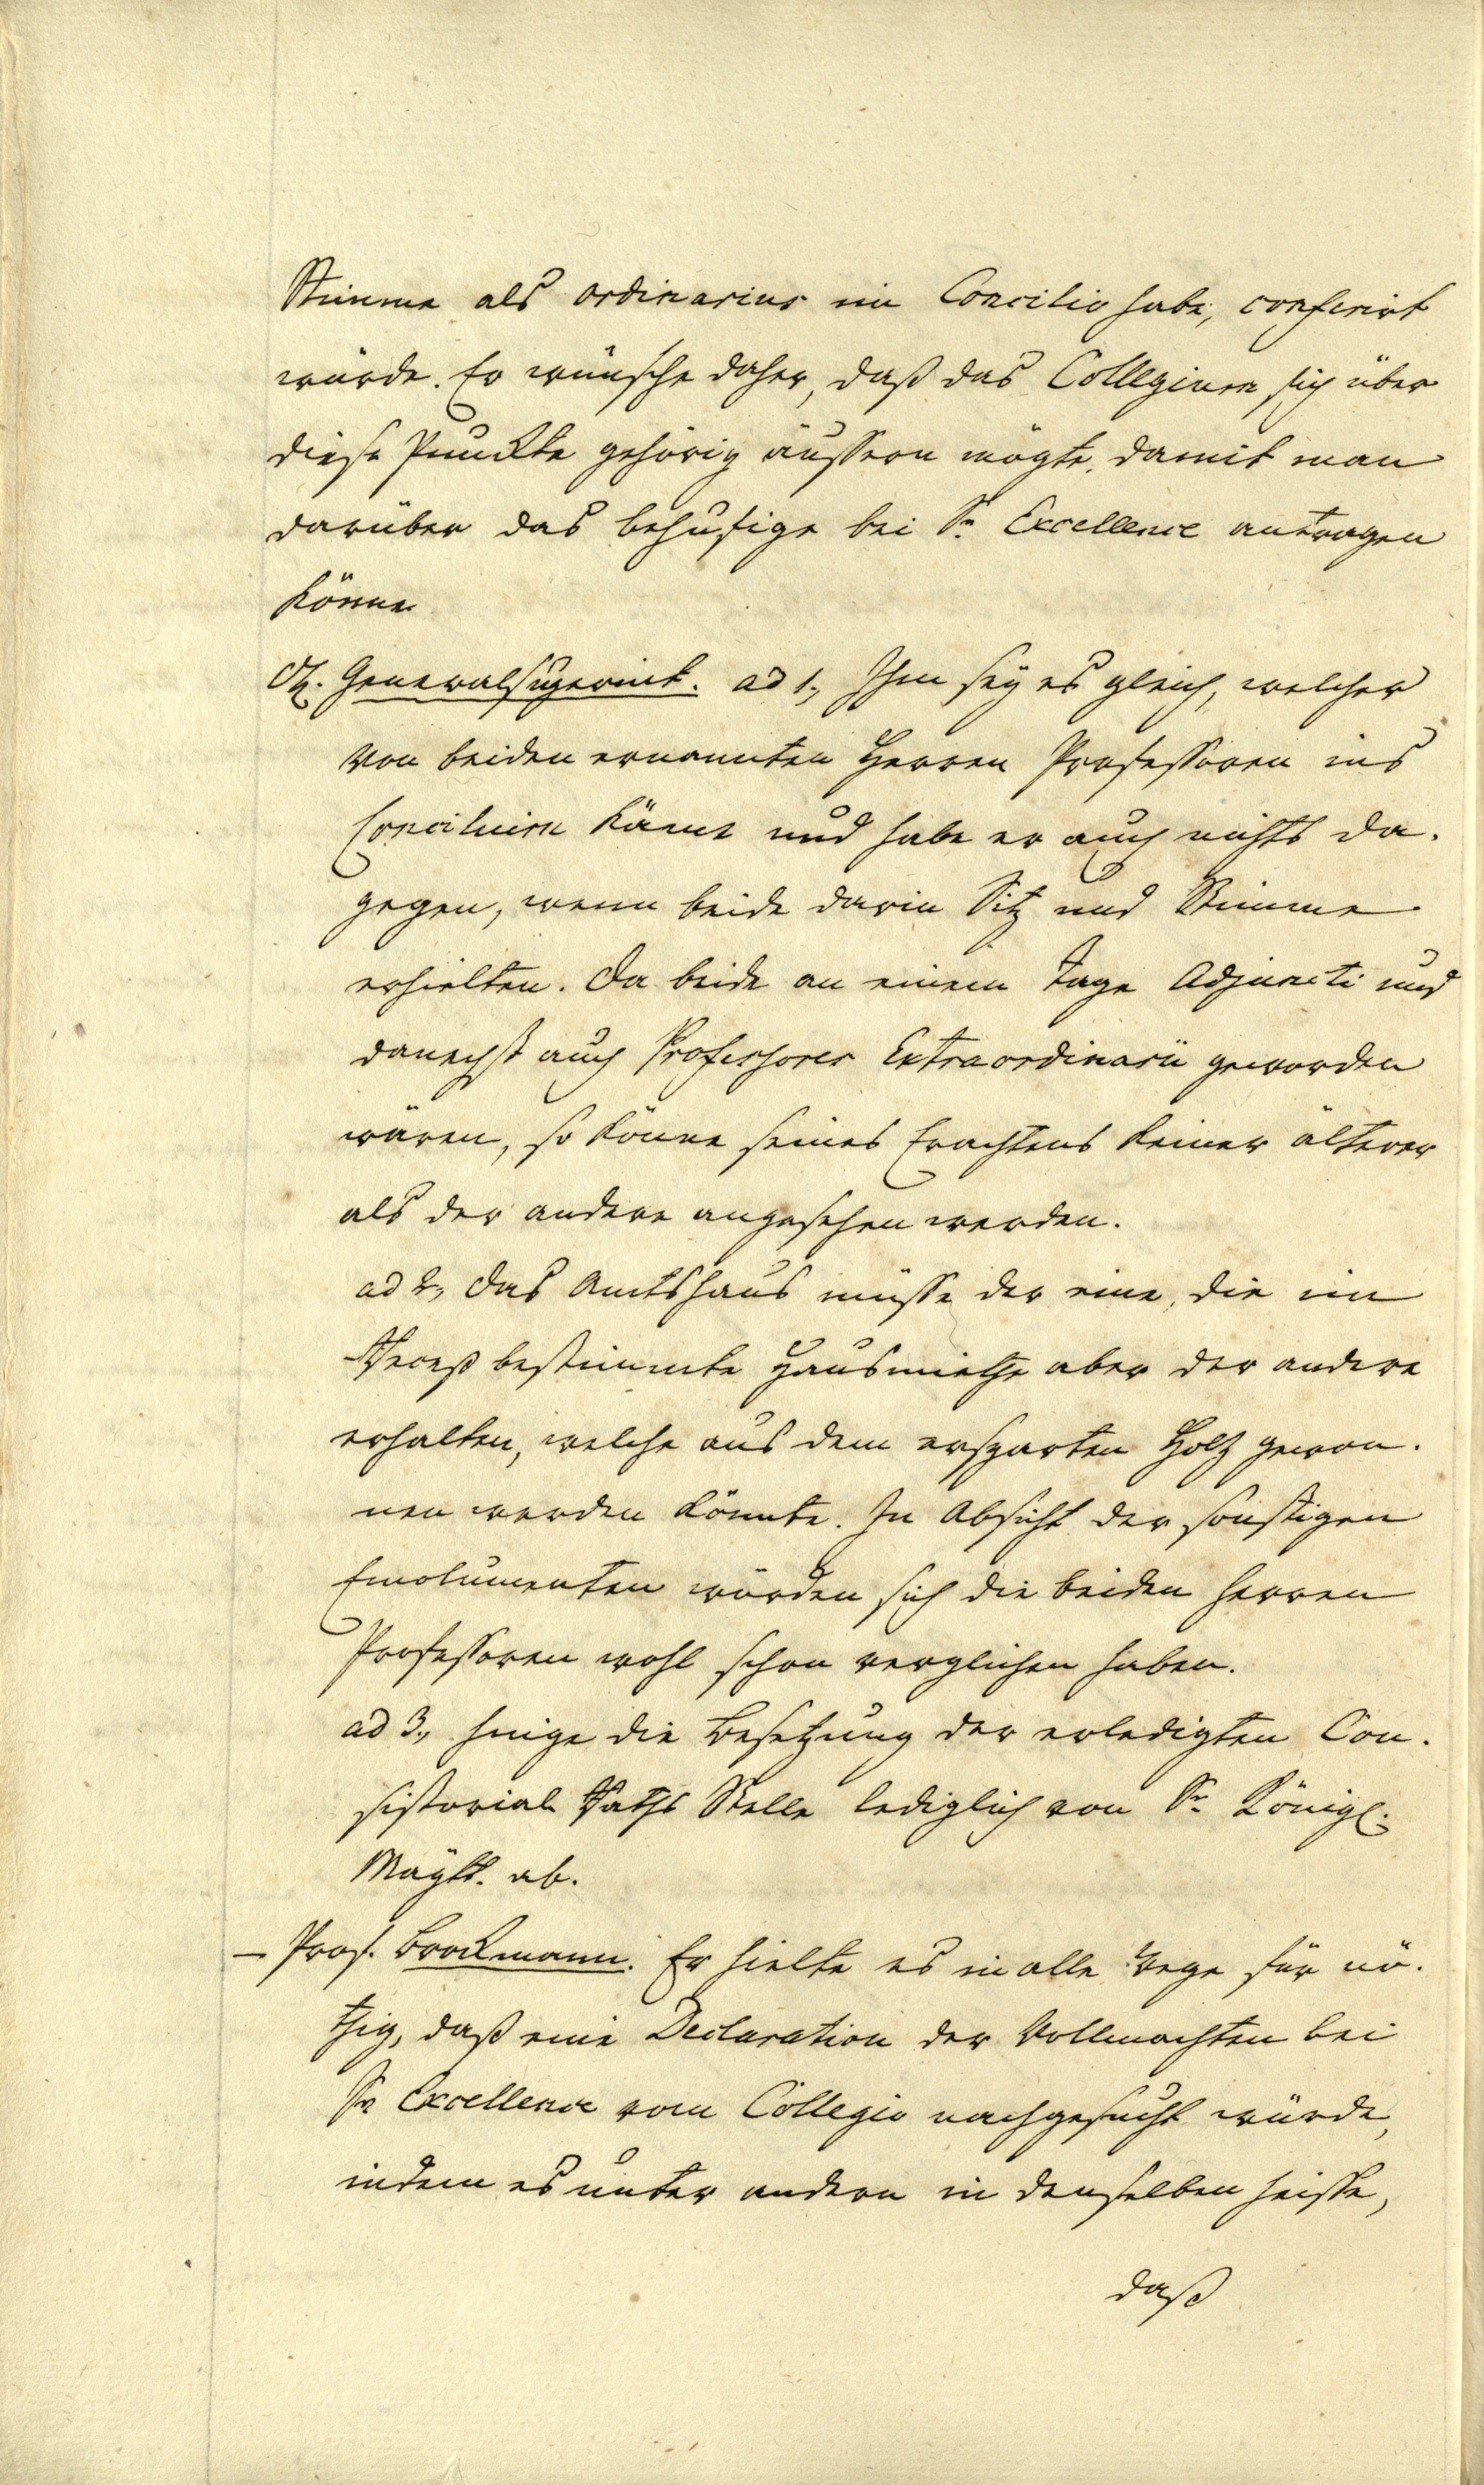Stimme als ordinarius im Concilio habe, conferirt
würde. Er wünsche daher, daß das Collegium sich über
diese Punckte gehörig äussern mögte. Damit man
darüber das behufige bei Sr. Excellence antragen
könne.
dh Generalsuperintendent. ad 1, Ihm seÿ es gleich, welcher
von beiden ernannten Herren Professoren ins
Concilium käme und habe er auch nichts da¬
gegen, wenn beide darin Sitz und Stimme
erhielten. Da beide an einem Tage Adjuncti und
danechst auch Professores Extraordinarii geworden
wären, so könne seines Erachtens keiner älterer
als der andere angesehen werden.
ad 2, Das Amtshaus müsse der eine, die im
Receß bestimmte Hausmiethe aber der andere
erhalten, welche aus dem ersparten Holz genom¬
men werden könnte. In Absicht der sonstigen
Emolumenten würden sich die beiden herren
Professoren wohl schon verglichen haben.
ad 3., hinge die Besetzung der erledigten Con¬
sistorial Raths Stelle lediglich von Sr. Königl.
Maÿtt. ab.
Prof. Brockmann. Er hielte es in alle Wege für nö¬
thig, daß eine Declaration der Vollmachten bei
Sr. Excellence vom Collegio nachgesucht würde,
indem es unter andern in denselben heisse,
daß